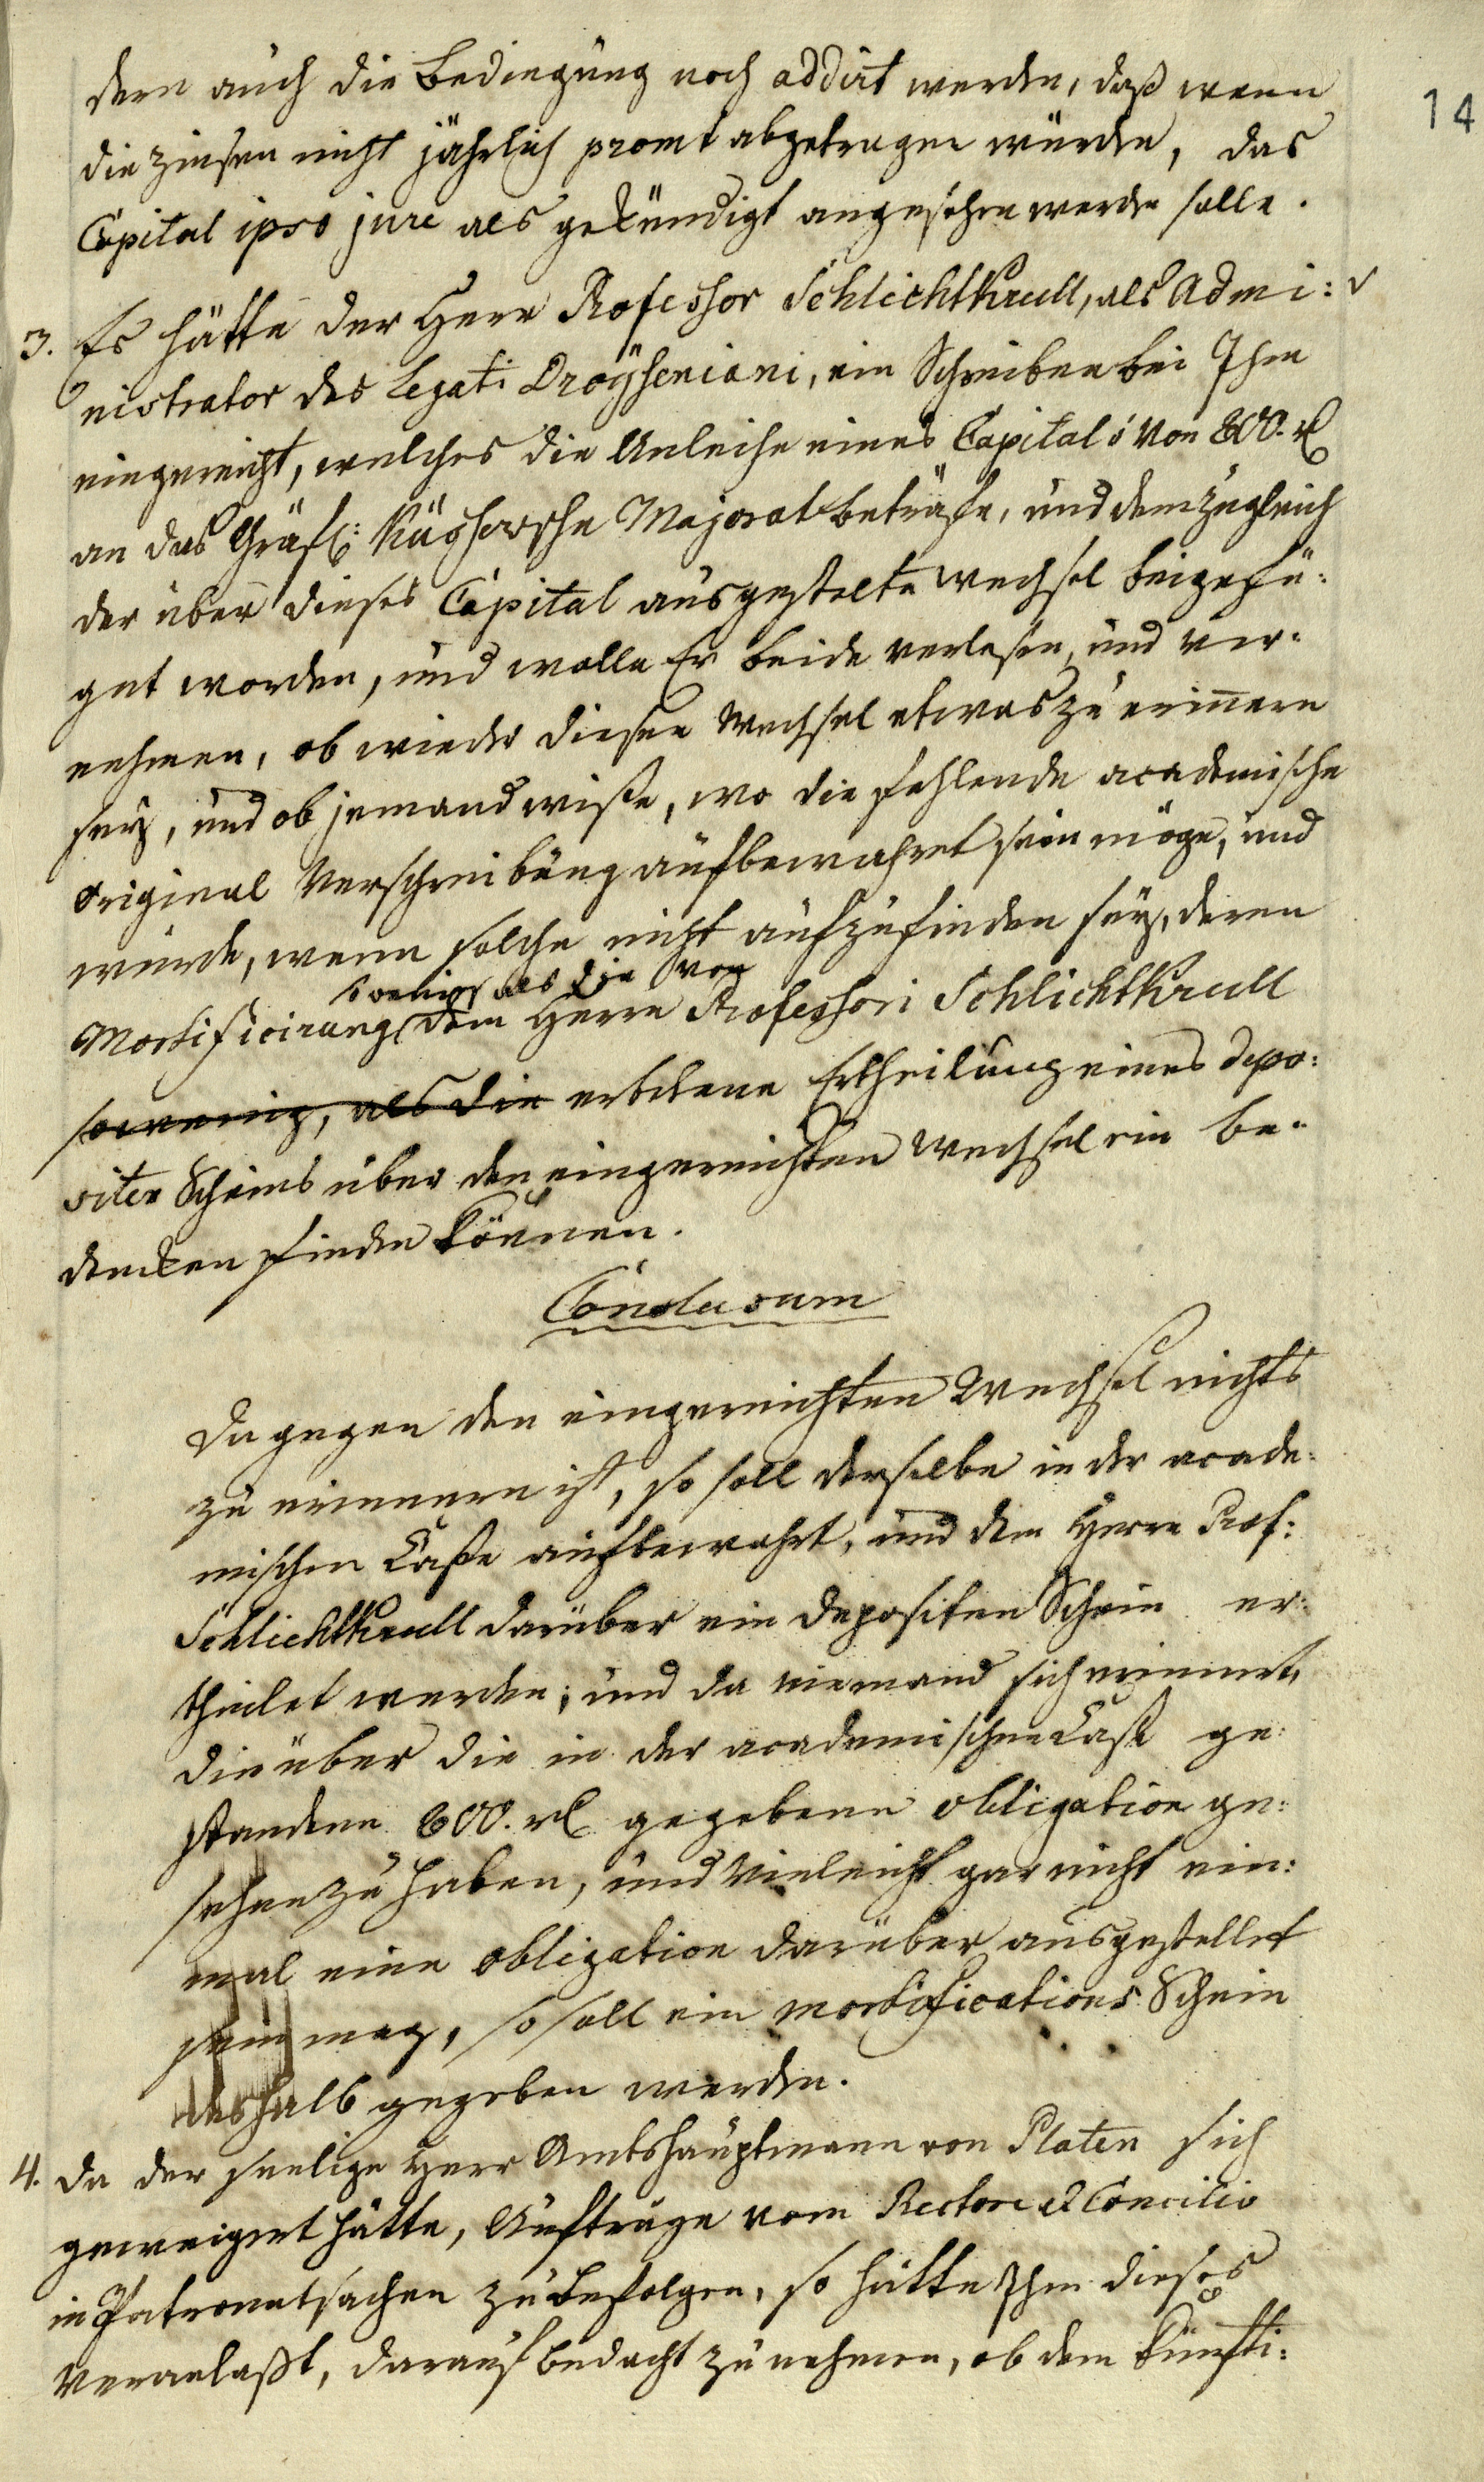dern auch die Bedingung noch addirt werden, daß wenn
die Zinsen nicht jährlich promt abgetragen würden, das
Capital ipso jure als gekündigt angesehen werden solle.
3. Es hätte der Herr Professor Schlichtkrull, als Admi¬
nistrator des Legati Droÿseniani, ein Schreiben bei Ihm
eingereicht, welches die Anleihe eines Capitals von 800. r.
an das Gräfl. Küssowsche Majorat beträfe, und dem zugleich
der über dieses Capital ausgestelte Wechsel beigefü¬
get worden, und wolle Er beide verlesen, und ver¬
nehmen, ob wieder diesen Wechsel etwas zu erinern
seÿ, und ob jemand wiße, wo die fehlende academische
Original Verschreibung aufbewahret sein möge, und
würde, wenn solche nicht aufzufinden seÿ, deren
so wenig als die von
Mortificirung dem Herrn Professori Schlichtkrull
so wenig, als die erbetene Ertheilung eines depo¬
siten Scheins über den eingereichten Wechsel ein Be¬
dencken finden können.
Conclusum
Da gegen den eingereichten Wechsel nichts
zu erinnern ist, so soll derselbe in der acade¬
mischen Caße aufbewahrt, und dem Herrn Prof.
Schlichtkrull darüber ein Depositen Schein er¬
theilet werden, und da niemand sich erinnert,
die über die in der academischen Caße ge¬
standenen 800. r. gegebene obligation ge¬
sehen zu haben, und vieleicht gar nicht ein¬
mal eine obligation darüber ausgestellet
sein mag, so soll ein mortifications Schein
deshalb gegeben werden.
4. Da der seelige Herr Amtshauptmann von Platen sich
geweigert hätte, Aufträge vom Rectori et Concilio
in Patronatsachen zu befolgen, so hätte Ihm dieses
veranlaßt, darauf Bedacht zu nehmen, ob dem künfti¬